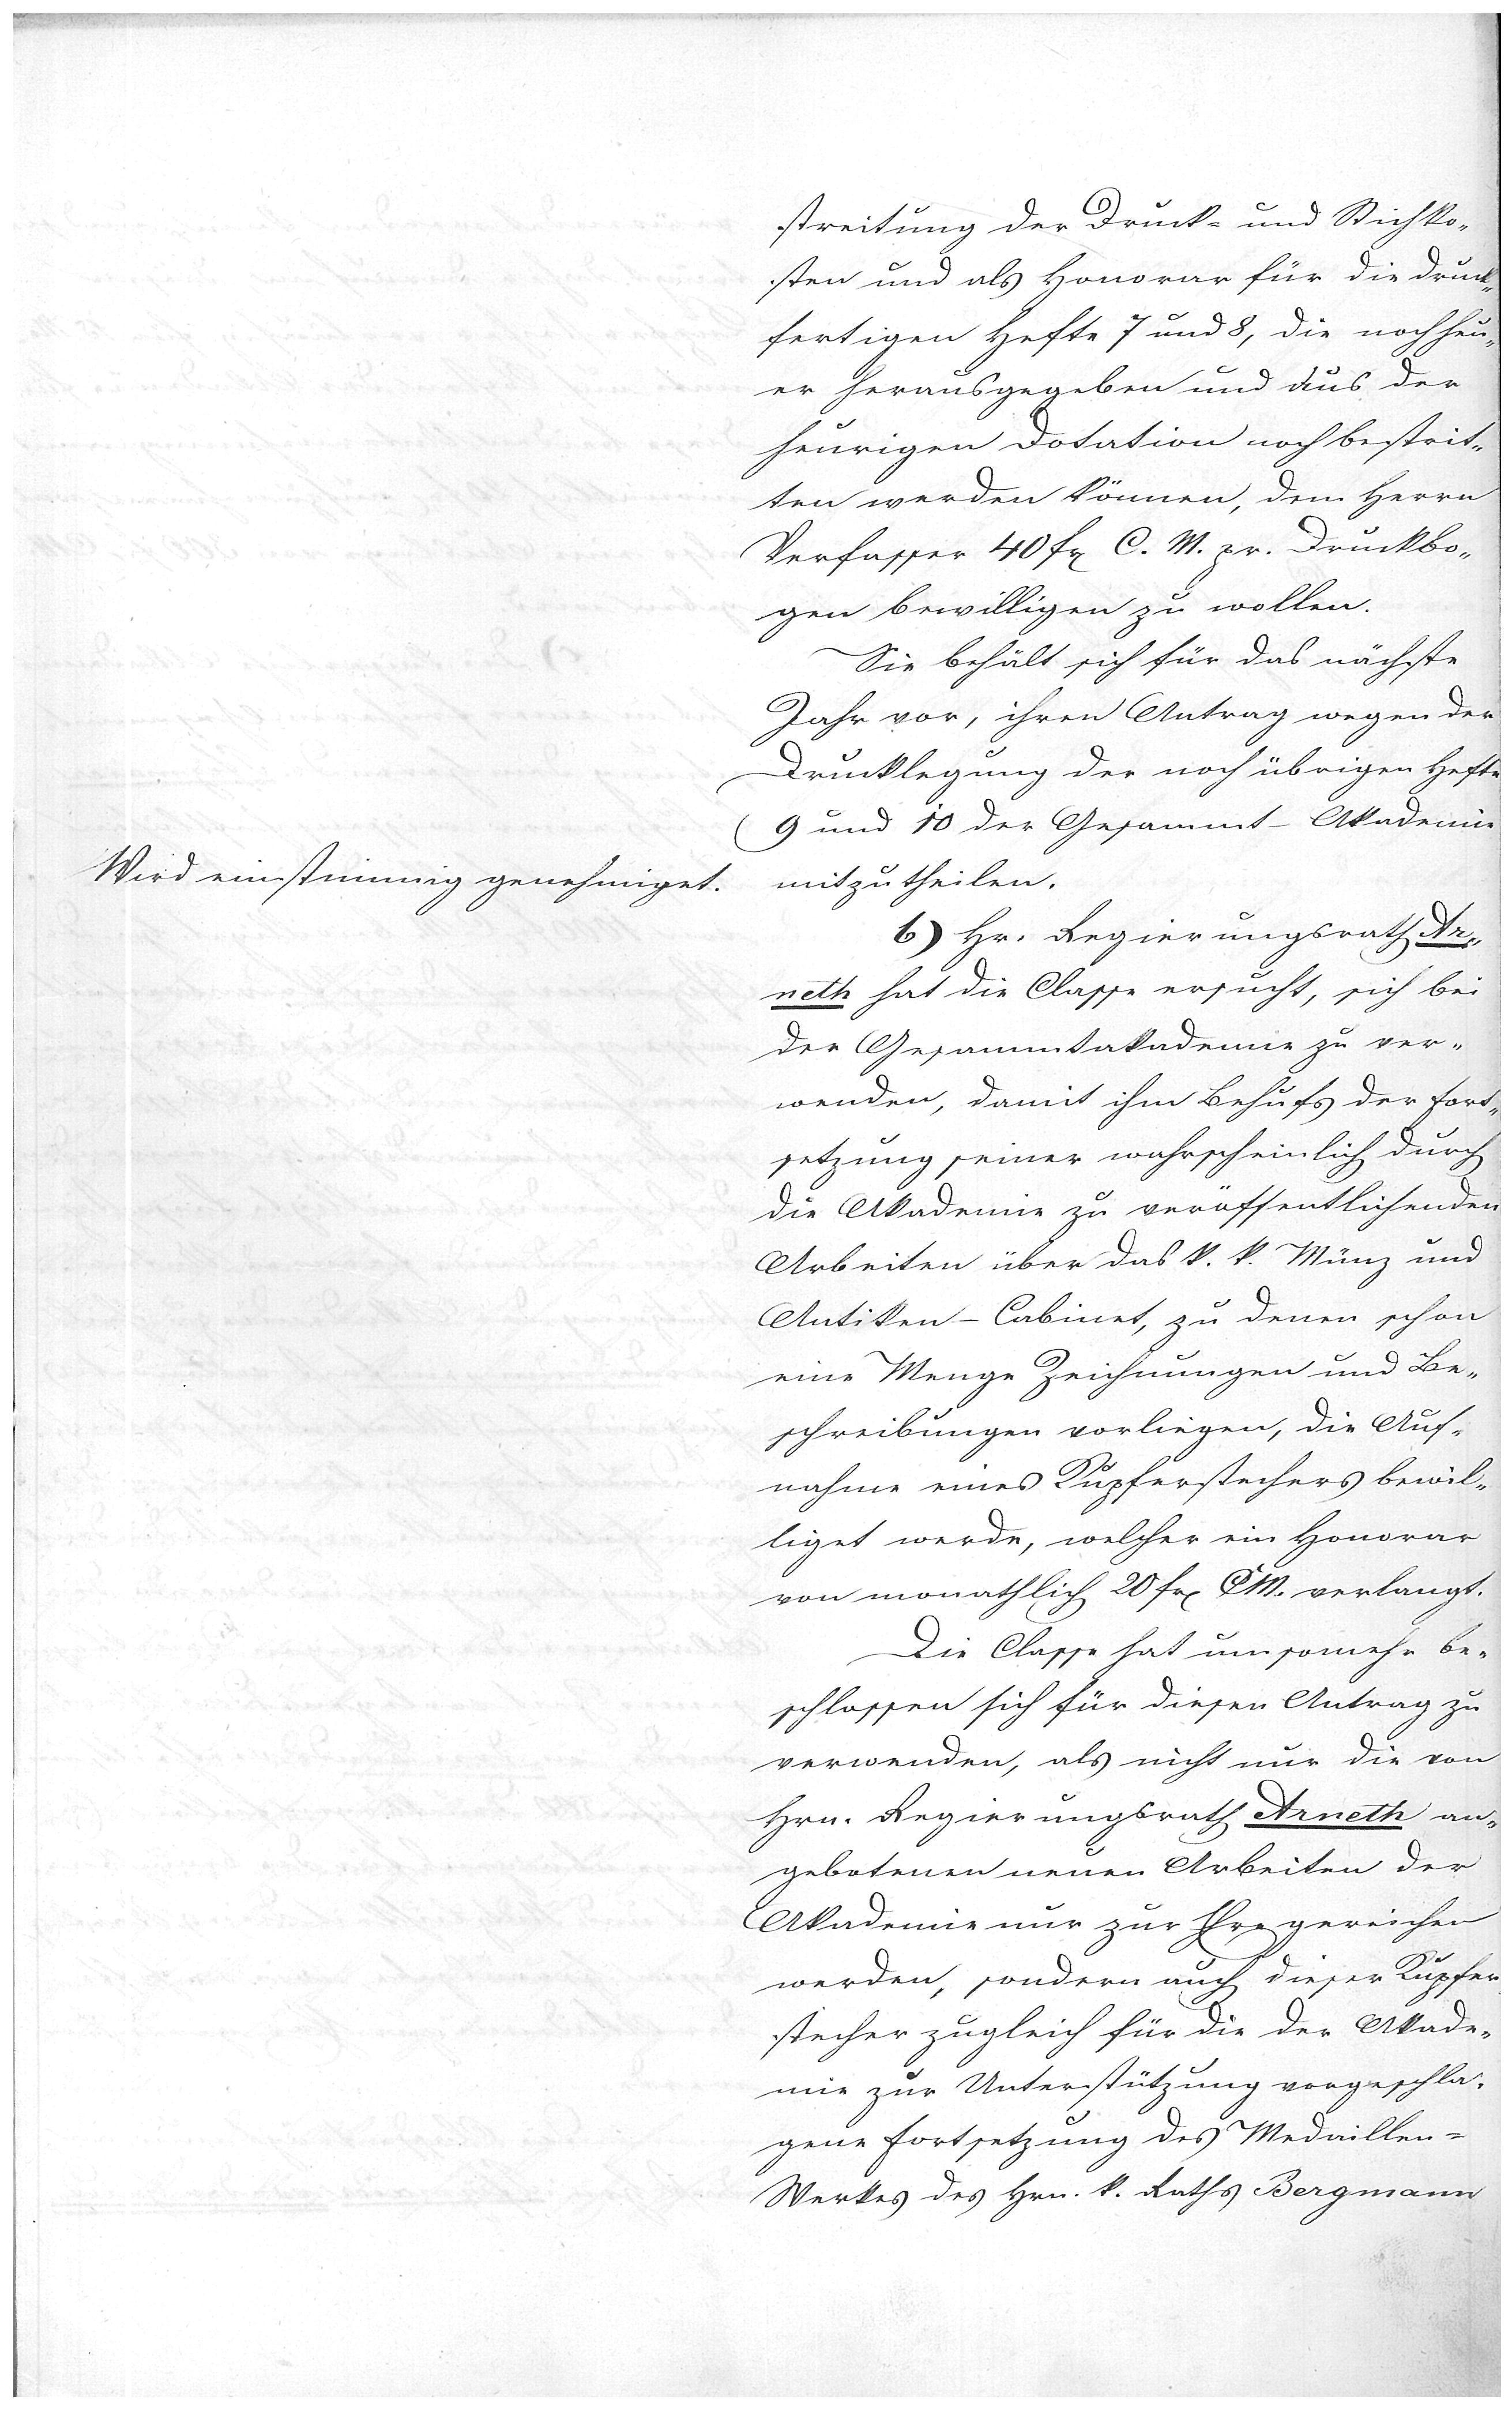streitung der Druck- und Stichko-
sten und als Honorar für die Druck-
fertigen Hefte 7 und 8, die noch heu-
er herausgegeben und aus der
heurigen Dotation noch bestrit-
ten werden können, dem Herrn
Verfasser 40 fl. C. M. pr- Druckbo-
gen bewilligen zu wollen.
Sie behält sich für das nächste
Jahr vor, ihren Antrag wegen der
Drucklegung der noch übrigen Hefte
9 und 10 der Gesammt-Akademie
mitzutheilen.
Wird einstimmig genehmiget.
b) Hr. Regierungsrath Ar-
neth hat die Classe ersucht, sich bei
der Gesammtakademie zu ver-
wenden, damit ihm Behufs der fort-
setzung seiner wahrscheinlich durch
die Akademie zu veröffentlichenden
Arbeiten über das. k.k. Münz und
Antiken-Cabiet, zu denen schon
eine Menge Zeichnungen und Be-
schreibungen vorliegen, die Auf-
nahme eines Kupferstechers bewil-
liget werde, welcher ein Honorar
von monatlich 20 fI CM verlangt.
Die Classe hat umsomehr be-
schlossen sich für diesen Antrag zu
verwenden, als nicht nur die von
Hrn. Regierungsrath Arneth an-
gebotenen neuen Arbeiten der
Akademie nur zur Ehre gereichen
werden, sondern auch dieser Kupfer-
stecher zugleich für die der Akade-
nie zur Unterstützung vorgeschla-
gene Fortsetzung des Medaillen-
Werkes des Hrn. k. Raths Bergmann